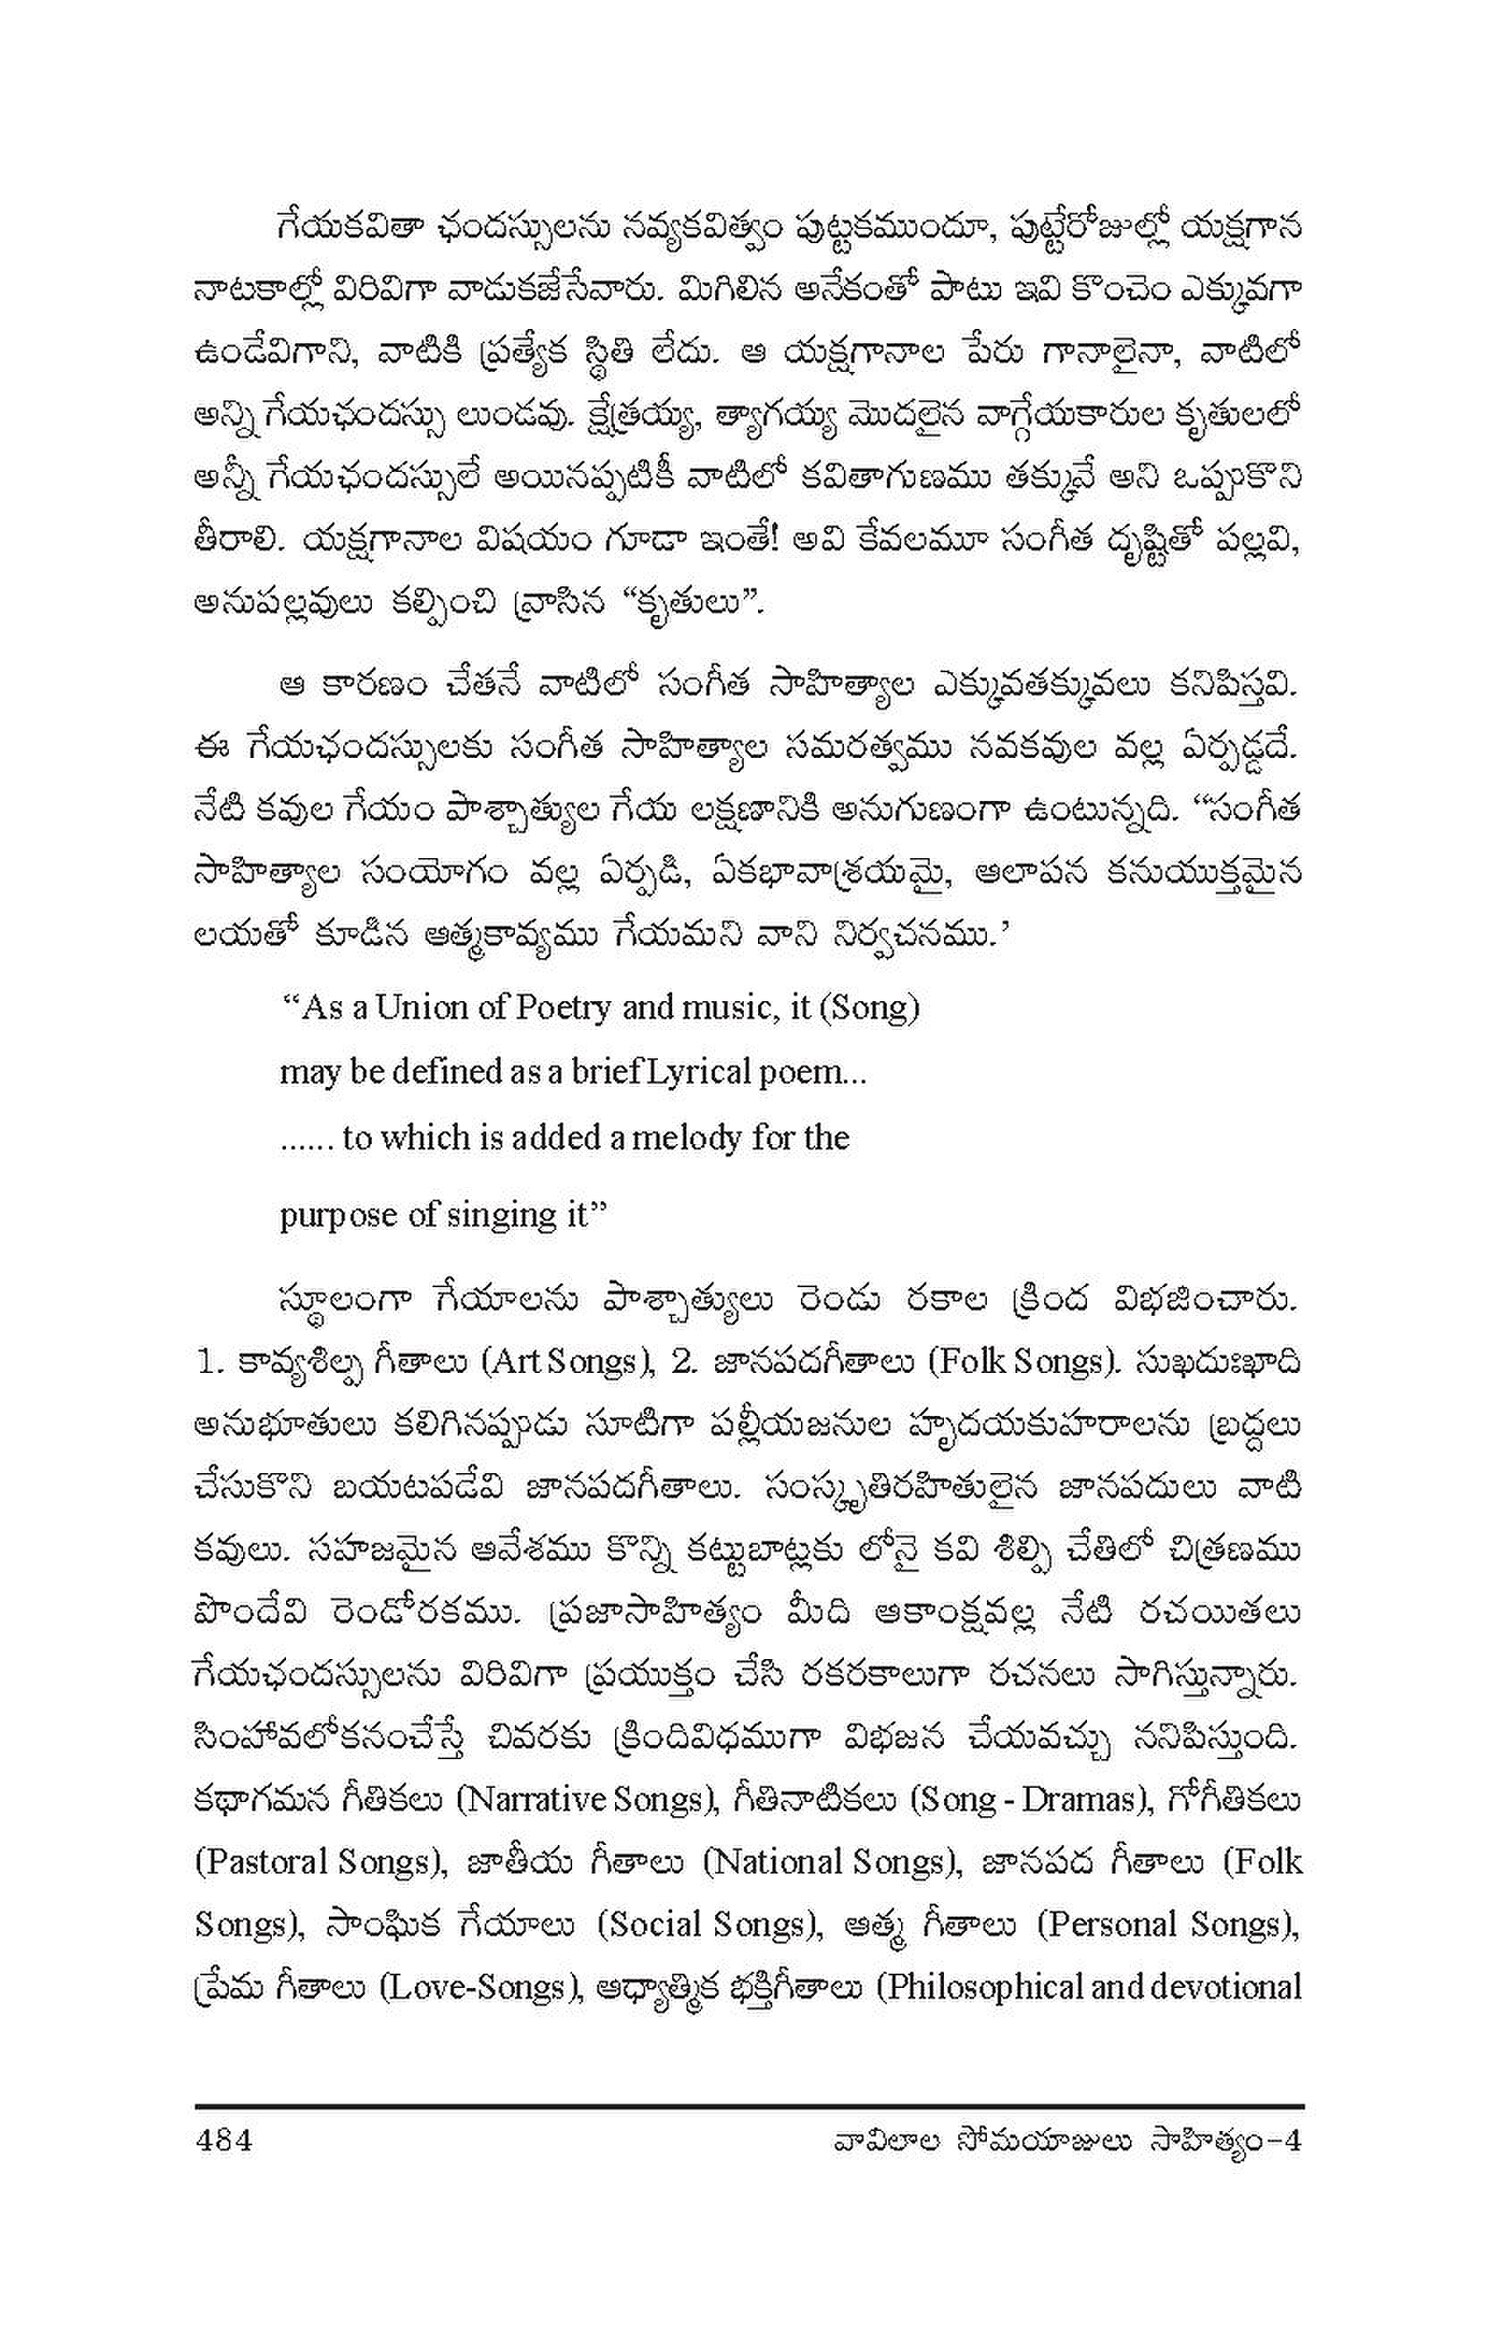గేయకవితా ఛందస్సులను నవ్యకవిత్వం పుట్టకముందూ, పుట్టేరోజుల్లో యక్షగాన
నాటకాల్లో విరివిగా వాడుకజేసేవారు. మిగిలిన అనేకంతో పాటు ఇవి కొంచెం ఎక్కువగా
ఉండేవిగాని, వాటికి ప్రత్యేక స్థితి లేదు. ఆ యక్షగానాల పేరు గానాలైనా, వాటిలో
అన్ని గేయఛందస్సు లుండవు. క్షేత్రయ్య, త్యాగయ్య మొదలైన వాగ్గేయకారుల కృతులలో
అన్నీ గేయఛందస్సులే అయినప్పటికీ వాటిలో కవితాగుణము తక్కువే అని ఒప్పుకొని
తీరాలి. యక్షగానాల విషయం గూడా ఇంతే! అవి కేవలమూ సంగీత దృష్టితో పల్లవి,
అనుపల్లవులు కల్పించి వ్రాసిన “కృతులు”.

ఆ కారణం చేతనే వాటిలో సంగీత సాహిత్యాల ఎక్కువతక్కువలు కనిపిస్తవి.
ఈ గేయఛందస్సులకు సంగీత సాహిత్యాల సమరత్వము నవకవుల వల్ల ఏర్పడ్డదే.
నేటి కవుల గేయం పాశ్చాత్యుల గేయ లక్షణానికి అనుగుణంగా ఉంటున్నది. "సంగీత
సాహిత్యాల సంయోగం వల్ల ఏర్పడి, ఏకభావాశ్రయమై, ఆలాపన కనుయుక్తమైన
లయతో కూడిన ఆత్మకావ్యము గేయమని వాని నిర్వచనము. '

"As a Union of Poetry and music, it (Song)
may be defined as a brief Lyrical poem...
.... to which is added a melody for the
purpose of singing it”

స్థూలంగా గేయాలను పాశ్చాత్యులు రెండు రకాల క్రింద విభజించారు.
1. కావ్యశిల్ప గీతాలు (Art Songs), 2. జానపదగీతాలు (Folk Songs). సుఖదుఃఖాది
అనుభూతులు కలిగినప్పుడు సూటిగా పల్లీయజనుల హృదయకుహరాలను బ్రద్దలు
చేసుకొని బయటపడేవి జానపదగీతాలు. సంస్కృతిరహితులైన జానపదులు వాటి
కవులు. సహజమైన ఆవేశము కొన్ని కట్టుబాట్లకు లోనై కవి శిల్పి చేతిలో చిత్రణము
పొందేవి రెండోరకము. ప్రజాసాహిత్యం మీది ఆకాంక్షవల్ల నేటి రచయితలు
గేయఛందస్సులను విరివిగా ప్రయుక్తం చేసి రకరకాలుగా రచనలు సాగిస్తున్నారు.
సింహావలోకనంచేస్తే చివరకు క్రిందివిధముగా విభజన చేయవచ్చు ననిపిస్తుంది.
కథాగమన గీతికలు (Narrative Songs), గీతినాటికలు (Song - Dramas), గోగీతికలు
(Pastoral Songs), జాతీయ గీతాలు (National Songs), జానపద గీతాలు (Folk
Songs), సాంఘిక గేయాలు (Social Songs), ఆత్మ గీతాలు (Personal Songs),
ప్రేమ గీతాలు (Love-Songs), ఆధ్యాత్మిక భక్తిగీతాలు (Philosophical and devotional